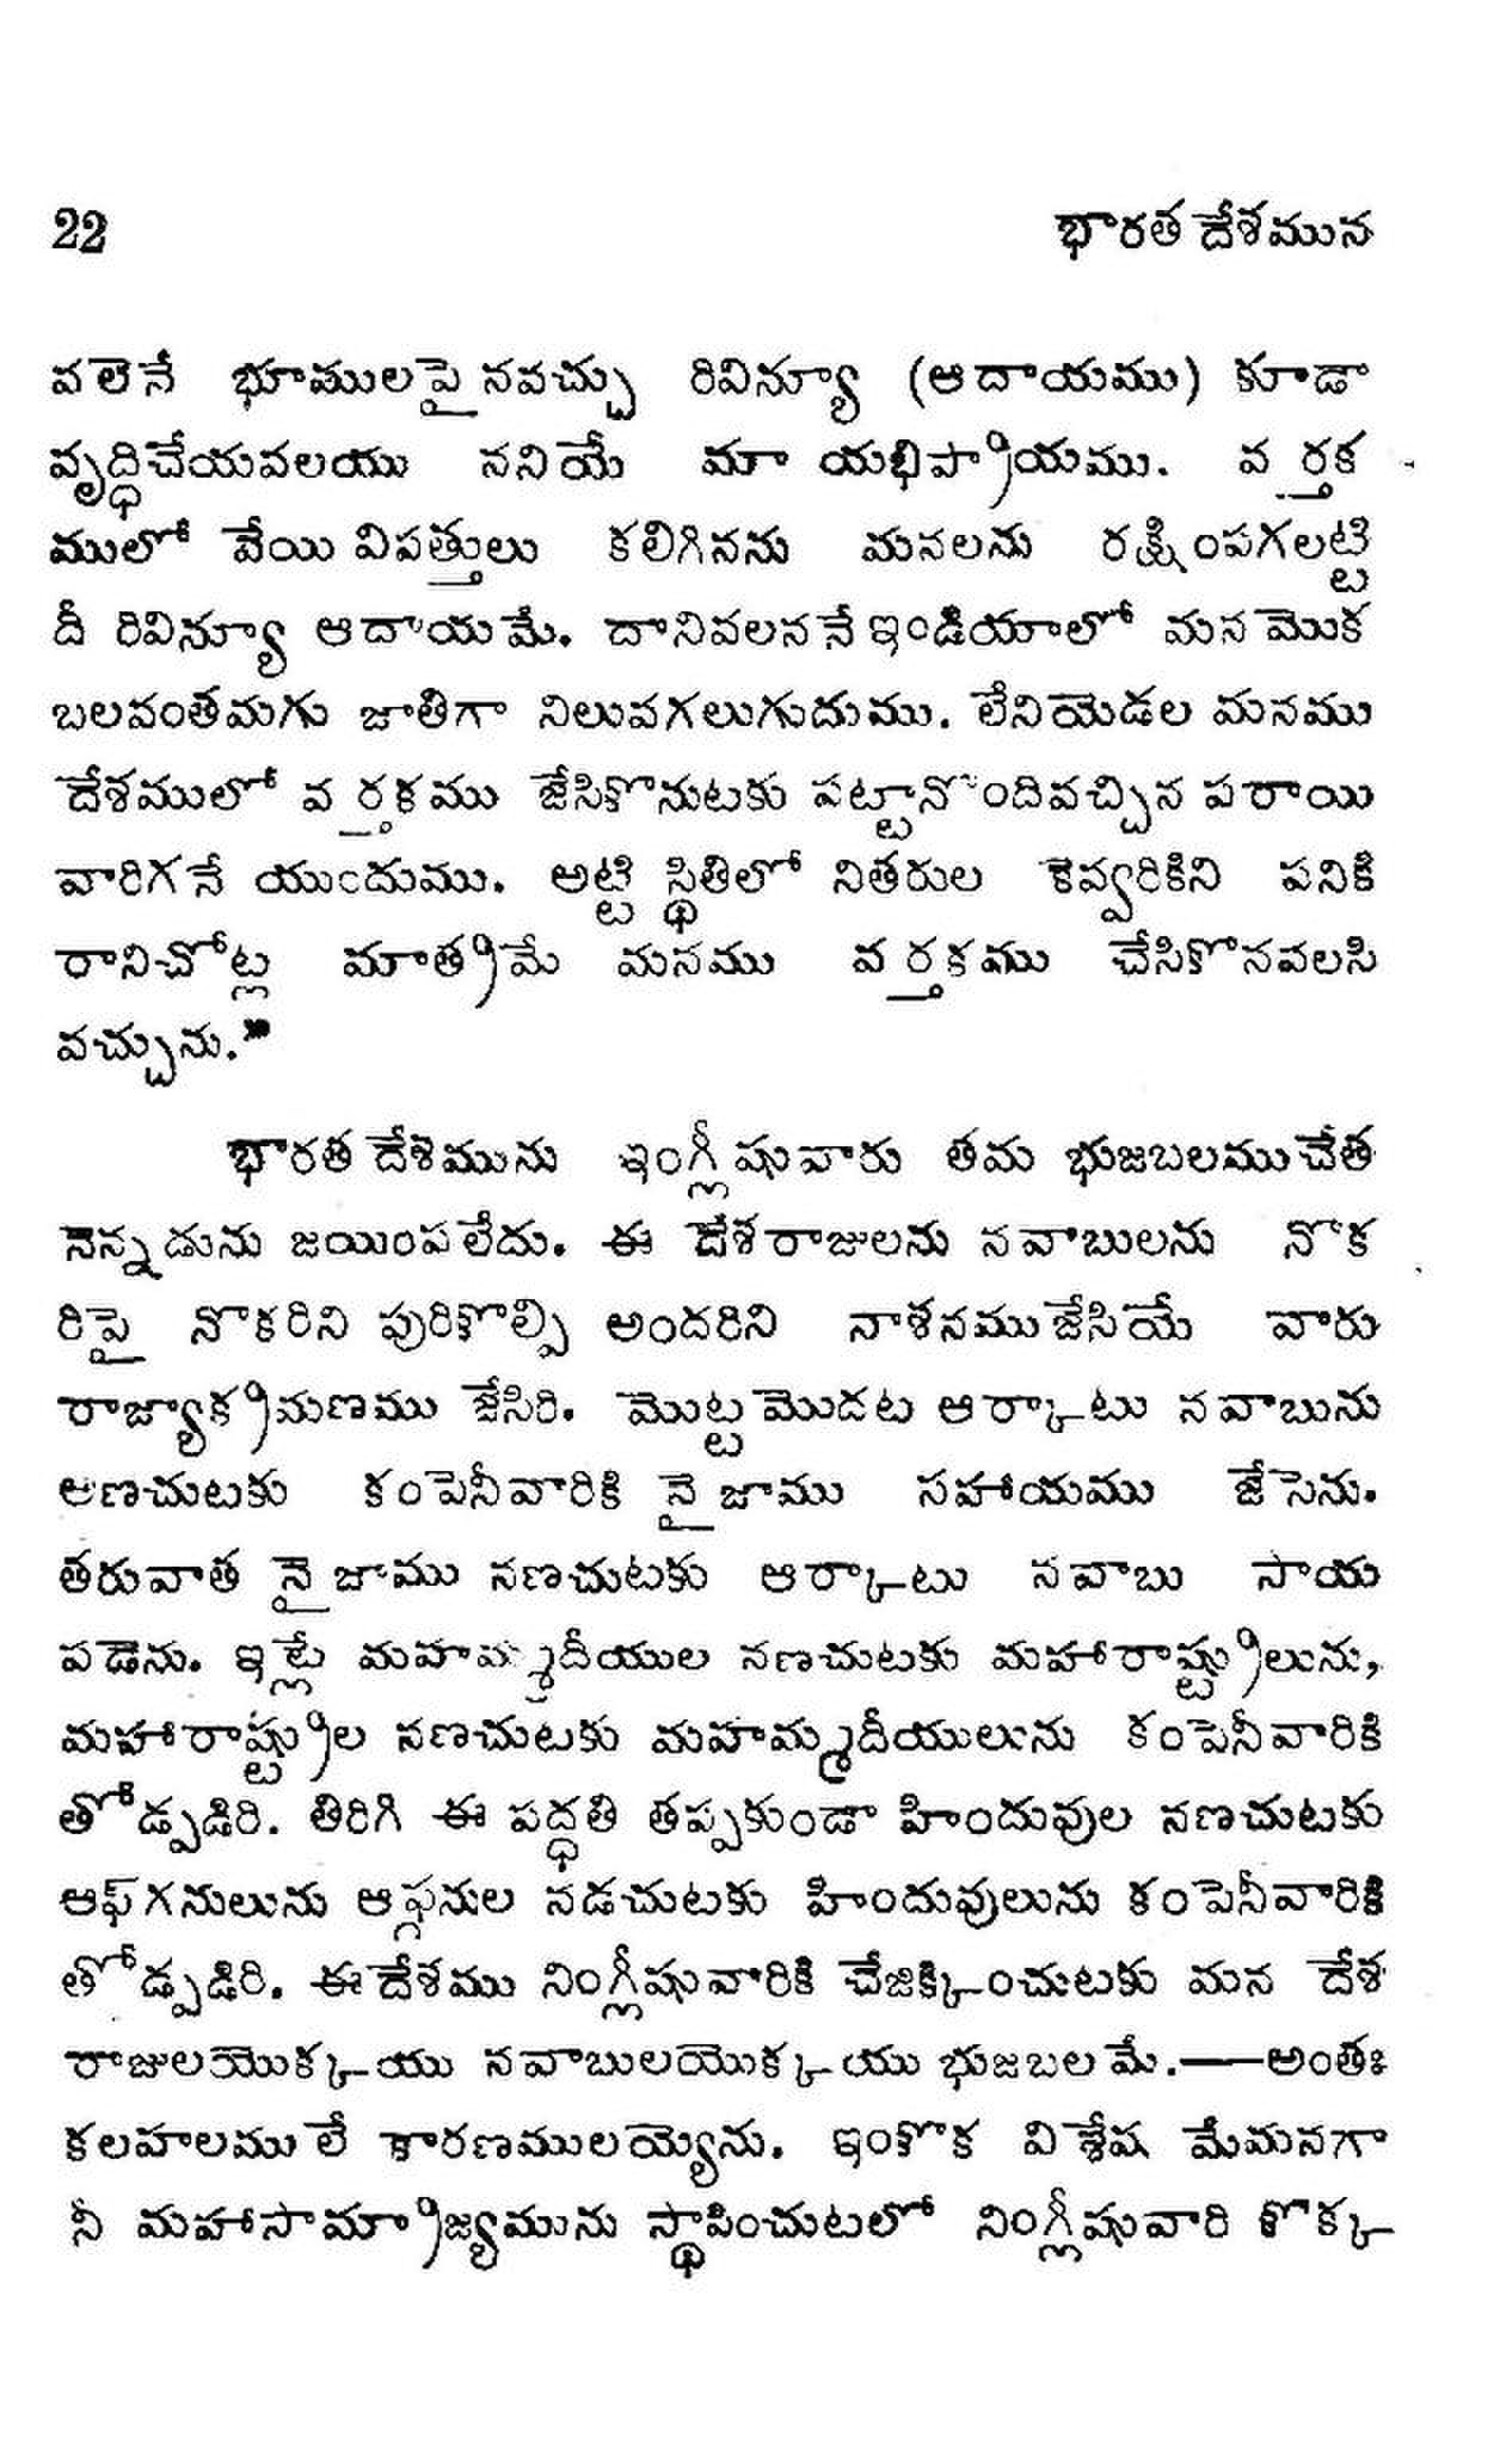వలెనే భూములపై నవచ్చు రివిన్యూ (ఆదాయము) కూడా వృద్దిచేయవలయు ననియే మా యభిప్రాయము. వర్తకములో వేయి విపత్తులు కలిగినను మనలను రక్షింపగలట్టి దీ రివిన్యూ ఆదాయమే. దానివలననే ఇండియాలో మనమొక బలవంతమగు జాతిగా నిలువగలుగుదుము. లేనియెడల మనము దేశములో వర్తకము జేసికొనుటకు పట్టానొందివచ్చిన పరాయివారిగనే యుందుము. అట్టి స్థితిలో నితరుల కెవ్వరికిని పనికిరానిచోట్ల మాత్రమే మనము వర్తకము చేసికొనవలసి వచ్చును."

భారతదేశమును ఇంగ్లీషువారు తమ భుజబలముచేత నెన్నడును జయింపలేదు. ఈ దేశరాజులను నవాబులను నొకరిపై నొకరిని పురికొల్పి అందరిని నాశనముజేసియే వారు రాజ్యాక్రమణము జేసిరి. "మొట్టమొదట ఆర్కాటు నవాబును అణచుటకు కంపెనీవారికి నైజాము సహాయము జేసెను. తరువాత నైజూము నణచుటకు ఆర్కాటు నవాబు సాయపడెను. ఇట్లే మహమ్మదీయుల నణచుటకు మహారాష్ట్రులును, మహారాష్ట్రుల నణచుటకు మహమ్మదీయులును కంపెనీవారికి తోడ్పడిరి. తిరిగి ఈ పద్ధతి తప్పకుండా హిందువుల నణచుటకు ఆఫ్‌గనులును ఆఫ్గనుల నడచుటకు హిందువులును కంపెనీవారికి తోడ్పడిరి. ఈ దేశము నింగ్లీషువారికి చేజిక్కించుటకు మన దేశరాజులయొక్కయు నవాబులయొక్కయు భుజబలమే.- అంతఃకలహలము లే కారణములయ్యెను. ఇంకొక విశేష మేమనగా నీ మహాసామ్రాజ్యమును స్థాపించుటలో నింగ్లీషువారి కొక్క